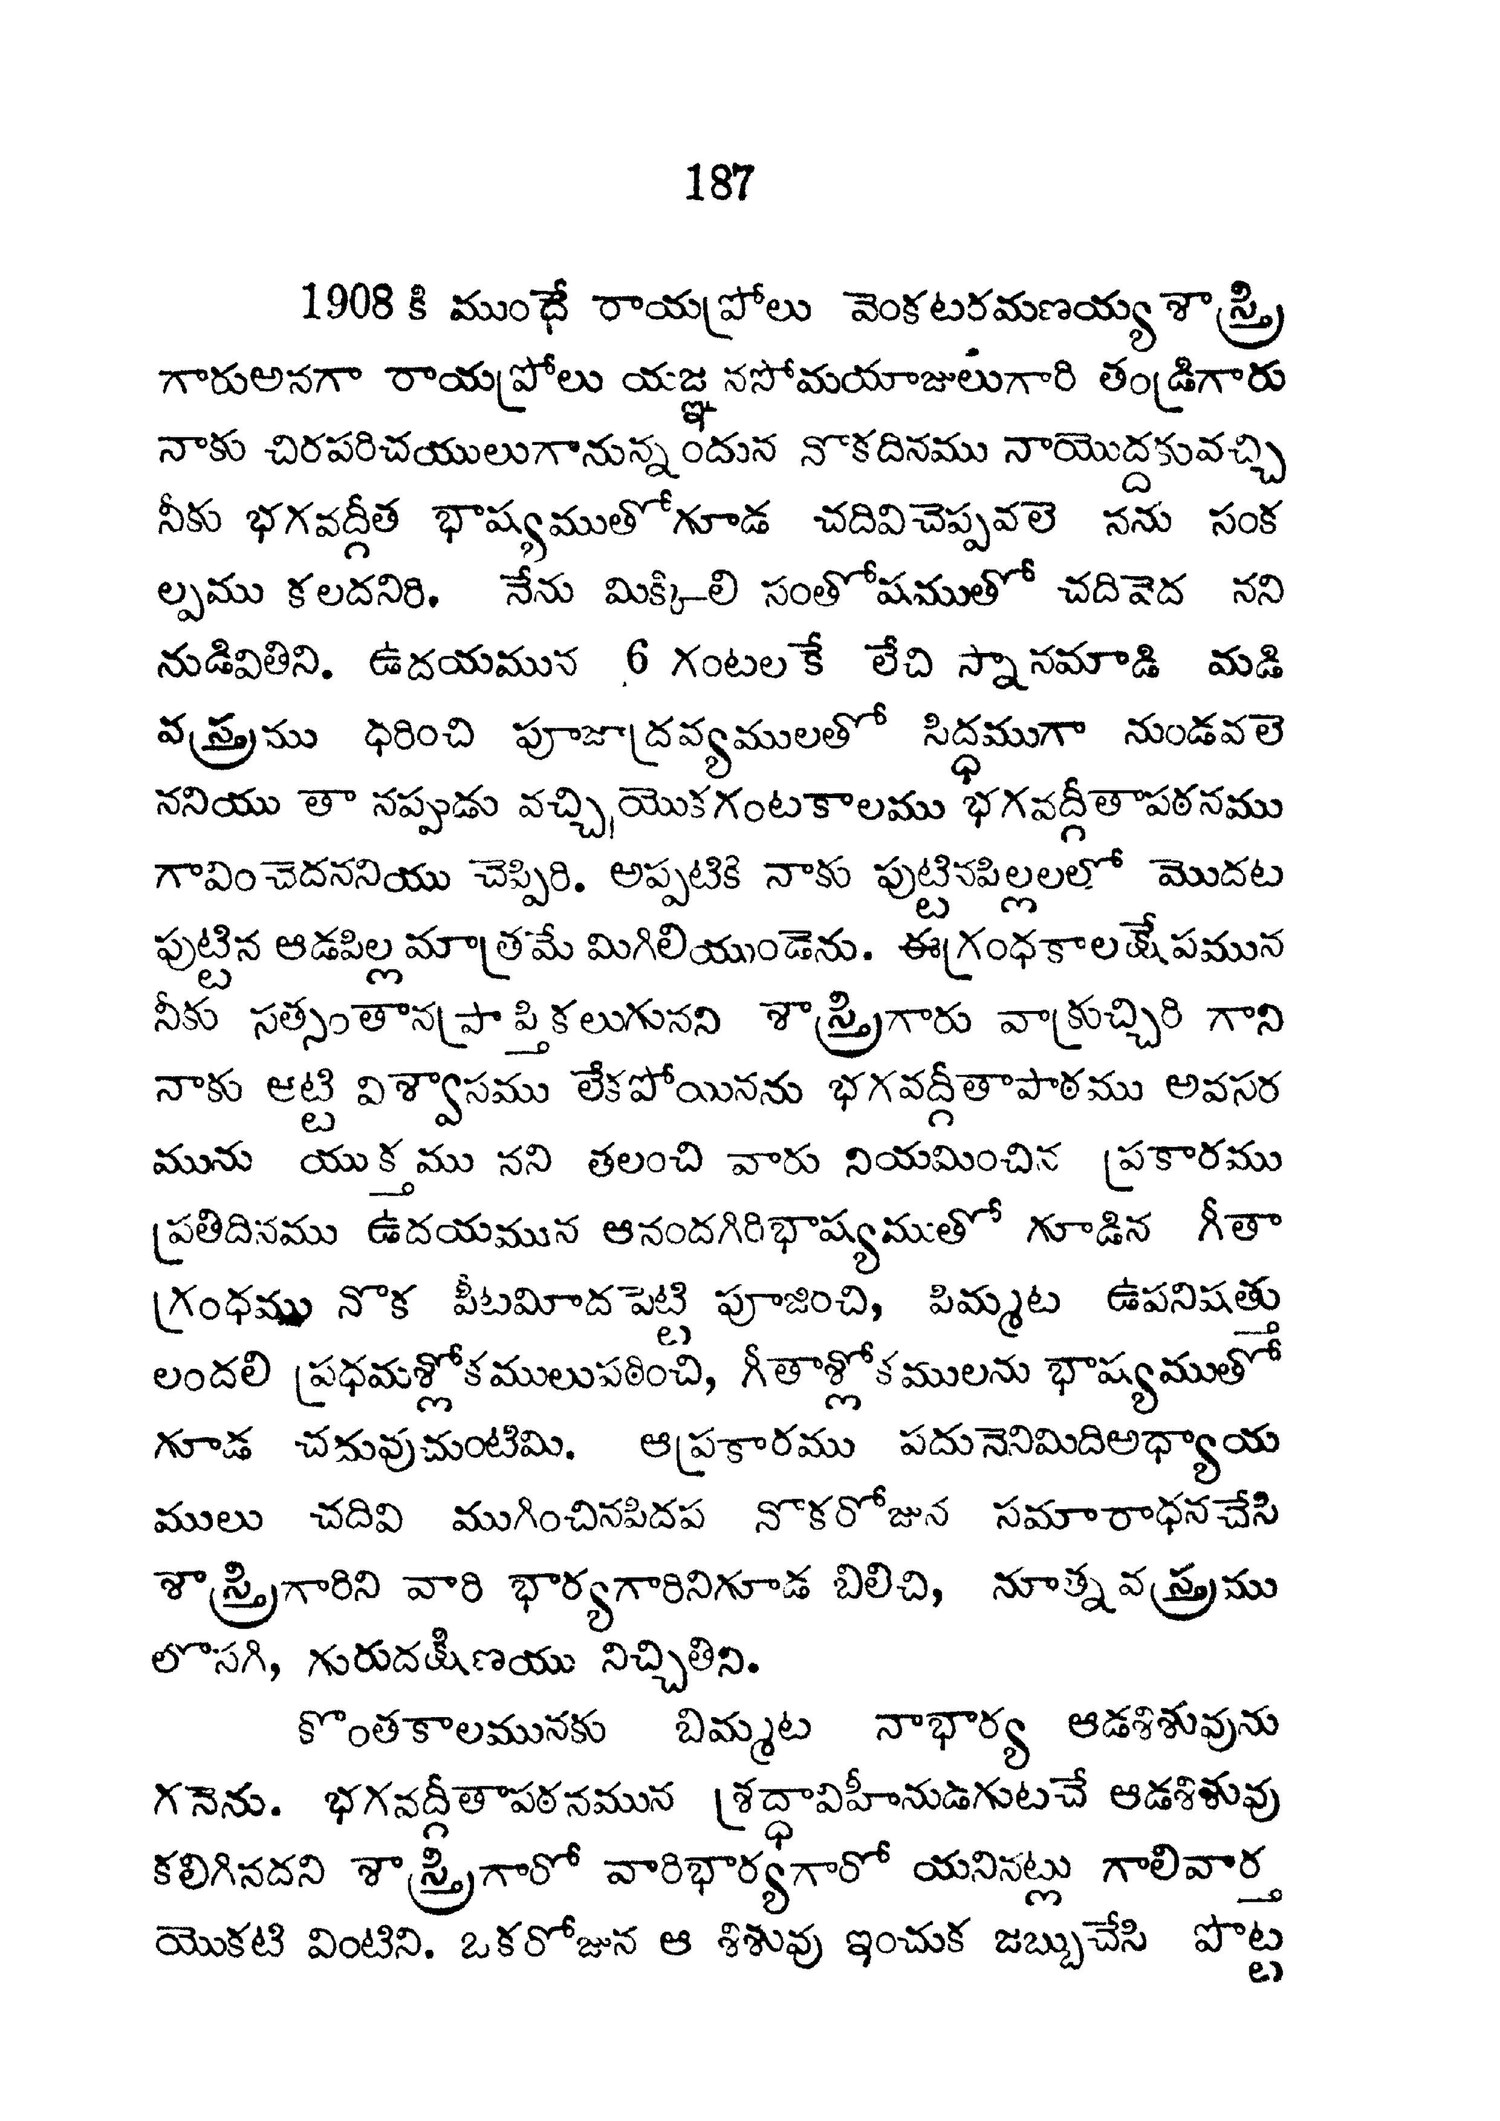1908 కి ముందే రాయప్రోలు వెంకటరమణయ్యశాస్త్రిగారు అనగా రాయప్రోలు యజ్ఞనసోమయాజులుగారి తండ్రిగారు నాకు చిరపరిచయులుగానున్నందున నొకదినము నాయొద్దకువచ్చి నీకు భగవద్గీత భాష్యముతోగూడ చదివిచెప్పవలె నను సంకల్పము కలదనిరి. నేను మిక్కిలి సంతోషముతో చదివెద నని నుడివితిని. ఉదయమున 6 గంటలకే లేచి స్నానమాడి మడివస్త్రము ధరించి పూజాద్రవ్యములతో సిద్ధముగా నుండవలెననియు తా నప్పుడు వచ్చి, యొకగంటకాలము భగవద్గీతాపఠనము గావించెదననియు చెప్పిరి. అప్పటికి నాకు పుట్టినపిల్లలలో మొదటపుట్టిన ఆడపిల్లమాత్రమే మిగిలియుండెను. ఈగ్రంధకాలక్షేపమున నీకు సత్సంతానప్రాప్తికలుగునని శాస్త్రిగారు వాక్రుచ్చిరి గాని నాకు అట్టి విశ్వాసము లేకపోయినను భగవద్గీతాపాఠము అవసరమును యుక్తము నని తలంచి వారు నియమించిన ప్రకారము ప్రతిదినము ఉదయమున ఆనందగిరిభాష్యముతో గూడిన గీతాగ్రంధము నొక పీటమీదపెట్టి పూజించి, పిమ్మట ఉపనిషత్తులందలి ప్రథమశ్లోకములుపఠించి, గీతాశ్లోకములను భాష్యముతో గూడ చదువుచుంటిమి. ఆప్రకారము పదునెనిమిదిఅధ్యాయములు చదివి ముగించినపిదప నొకరోజున సమారాధనచేసి శాస్త్రిగారిని వారి భార్యగారినిగూడ బిలిచి, నూత్నవస్త్రము లొసగి, గురుదక్షిణయు నిచ్చితిని.

కొంతకాలమునకు బిమ్మట నాభార్య ఆడశిశువును గనెను. భగవద్గీతాపఠనమున శ్రద్ధావిహీనుడగుటచే ఆడశిశువు కలిగినదని శాస్త్రిగారో వారిభార్యగారో యనినట్లు గాలివార్త యొకటి వింటిని. ఒకరోజున ఆ శిశువు ఇంచుక జబ్బుచేసి పొట్ట